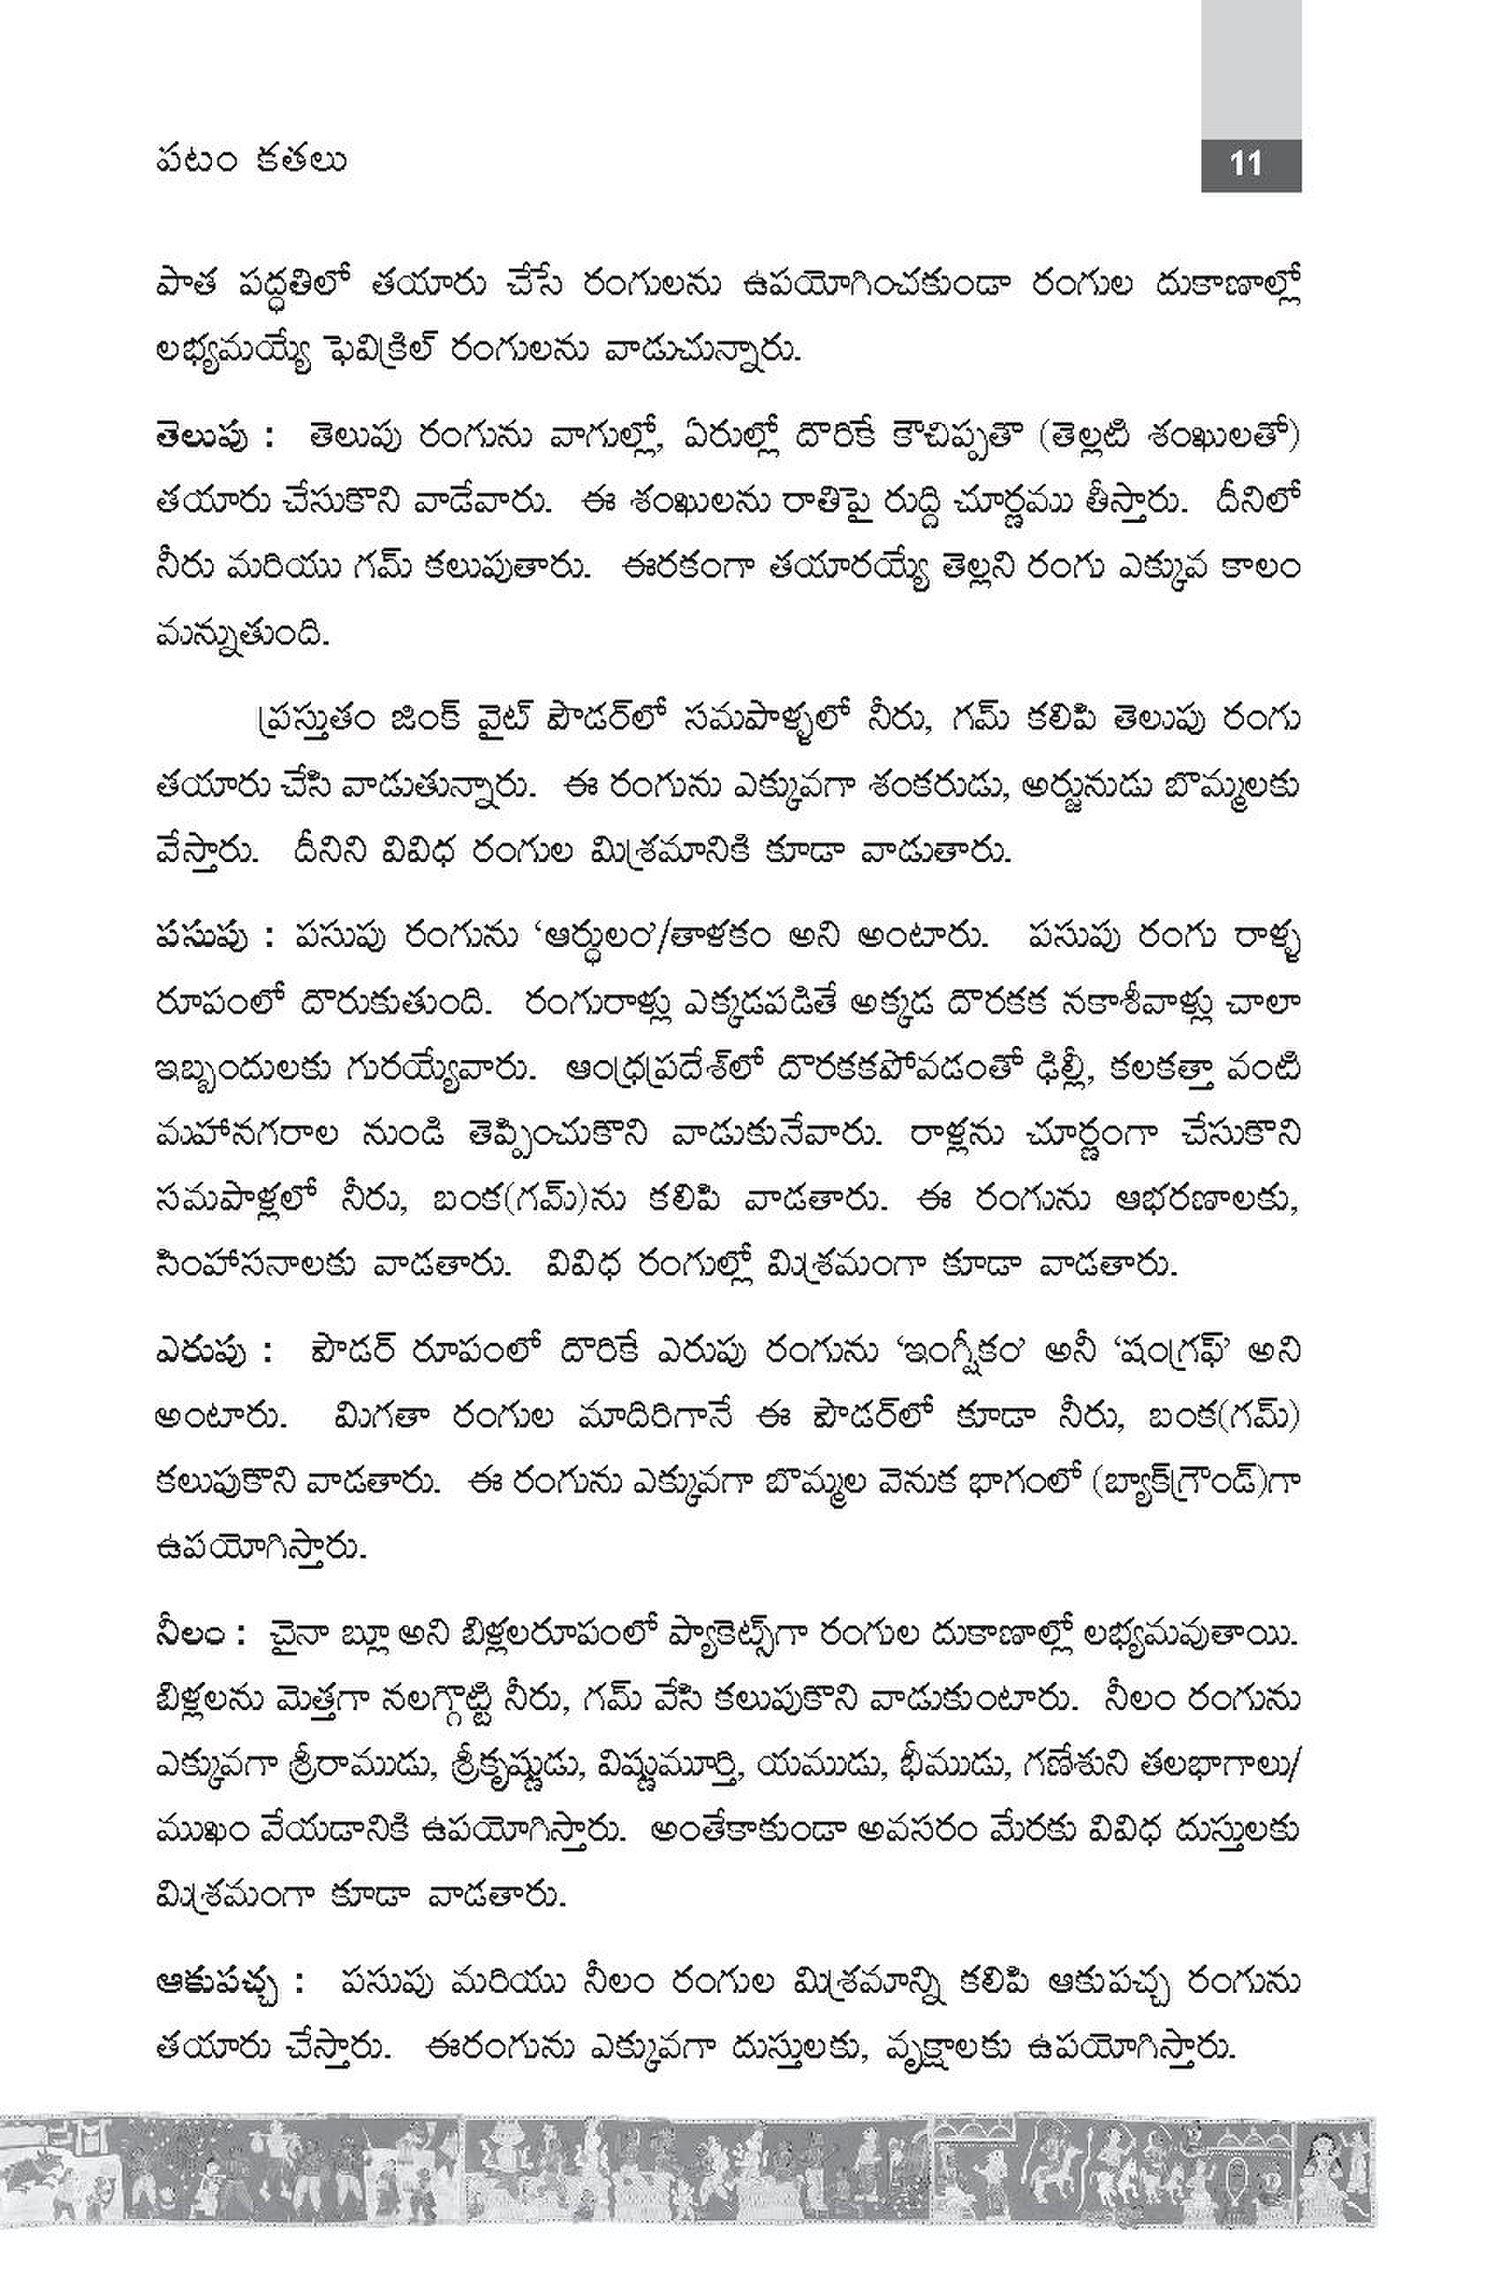పాత పద్ధతిలో తయారు చేసే రంగులను ఉపయోగించకుండా రంగుల దుకాణాల్లో లభ్యమయ్యే ఫెవిక్రిల్ రంగులను వాడుచున్నారు.

తెలుపు : తెలుపు రంగును వాగుల్లో, ఏరుల్లో దొరికే కౌచిప్పతా (తెల్లటి శంఖులతో) తయారు చేసుకొని వాడేవారు. ఈ శంఖులను రాతిపై రుద్ది చూర్ణము తీస్తారు. దీనిలో నీరు మరియు గమ్ కలుపుతారు. ఈరకంగా తయారయ్యే తెల్లని రంగు ఎక్కువ కాలం మన్నుతుంది.

ప్రస్తుతం జింక్ వైట్ పౌడర్ లో సమపాళ్ళలో నీరు, గమ్ కలిపి తెలుపు రంగు తయారు చేసి వాడుతున్నారు. ఈ రంగును ఎక్కువగా శంకరుడు, అర్జునుడు బొమ్మలకు వేస్తారు. దీనిని వివిధ రంగుల మిశ్రమానికి కూడా వాడుతారు.

పసుపు : పసుపు రంగును 'ఆర్థులం/తాళకం అని అంటారు. పసుపు రంగు రాళ్ళ రూపంలో దొరుకుతుంది. రంగురాళ్లు ఎక్కడపడితే అక్కడ దొరకక నకాశీవాళ్లు చాలా ఇబ్బందులకు గురయ్యేవారు. ఆంధ్రప్రదేశ్లో దొరకకపోవడంతో ఢిల్లీ, కలకత్తా వంటి మహానగరాల నుండి తెప్పించుకొని వాడుకునేవారు. రాళ్లను చూర్ణంగా చేసుకొని సమపాళ్లలో నీరు, బంక(గమ్)ను కలిపి వాడతారు. ఈ రంగును ఆభరణాలకు, సింహాసనాలకు వాడతారు. వివిధ రంగుల్లో మిశ్రమంగా కూడా వాడతారు.

ఎరుపు : పౌడర్ రూపంలో దొరికే ఎరుపు రంగును 'ఇంగీకం' అనీ 'షంగ్రఫ్' అని అంటారు. మిగతా రంగుల మాదిరిగానే ఈ పౌడర్ కూడా నీరు, బంక(గమ్) కలుపుకొని వాడతారు. ఈ రంగును ఎక్కువగా బొమ్మల వెనుక భాగంలో (బ్యాక్ గ్రౌండ్) గా ఉపయోగిస్తారు.

నీలం : చైనా బ్లూ అని బిళ్లలరూపంలో ప్యాకెట్స్ రంగుల దుకాణాల్లో లభ్యమవుతాయి. బిళ్లలను మెత్తగా నలగ్గొట్టి నీరు, గమ్ వేసి కలుపుకొని వాడుకుంటారు. నీలం రంగును ఎక్కువగా శ్రీరాముడు, శ్రీకృష్ణుడు, విష్ణుమూర్తి, యముడు, భీముడు, గణేశుని తలభాగాలు/ ముఖం వేయడానికి ఉపయోగిస్తారు. అంతేకాకుండా అవసరం మేరకు వివిధ దుస్తులకు
మిశ్రమంగా కూడా వాడతారు.

ఆకుపచ్చ : పసుపు మరియు నీలం రంగుల మిశ్రమాన్ని కలిపి ఆకుపచ్చ రంగును తయారు చేస్తారు. ఈరంగును ఎక్కువగా దుస్తులకు, వృక్షాలకు ఉపయోగిస్తారు.